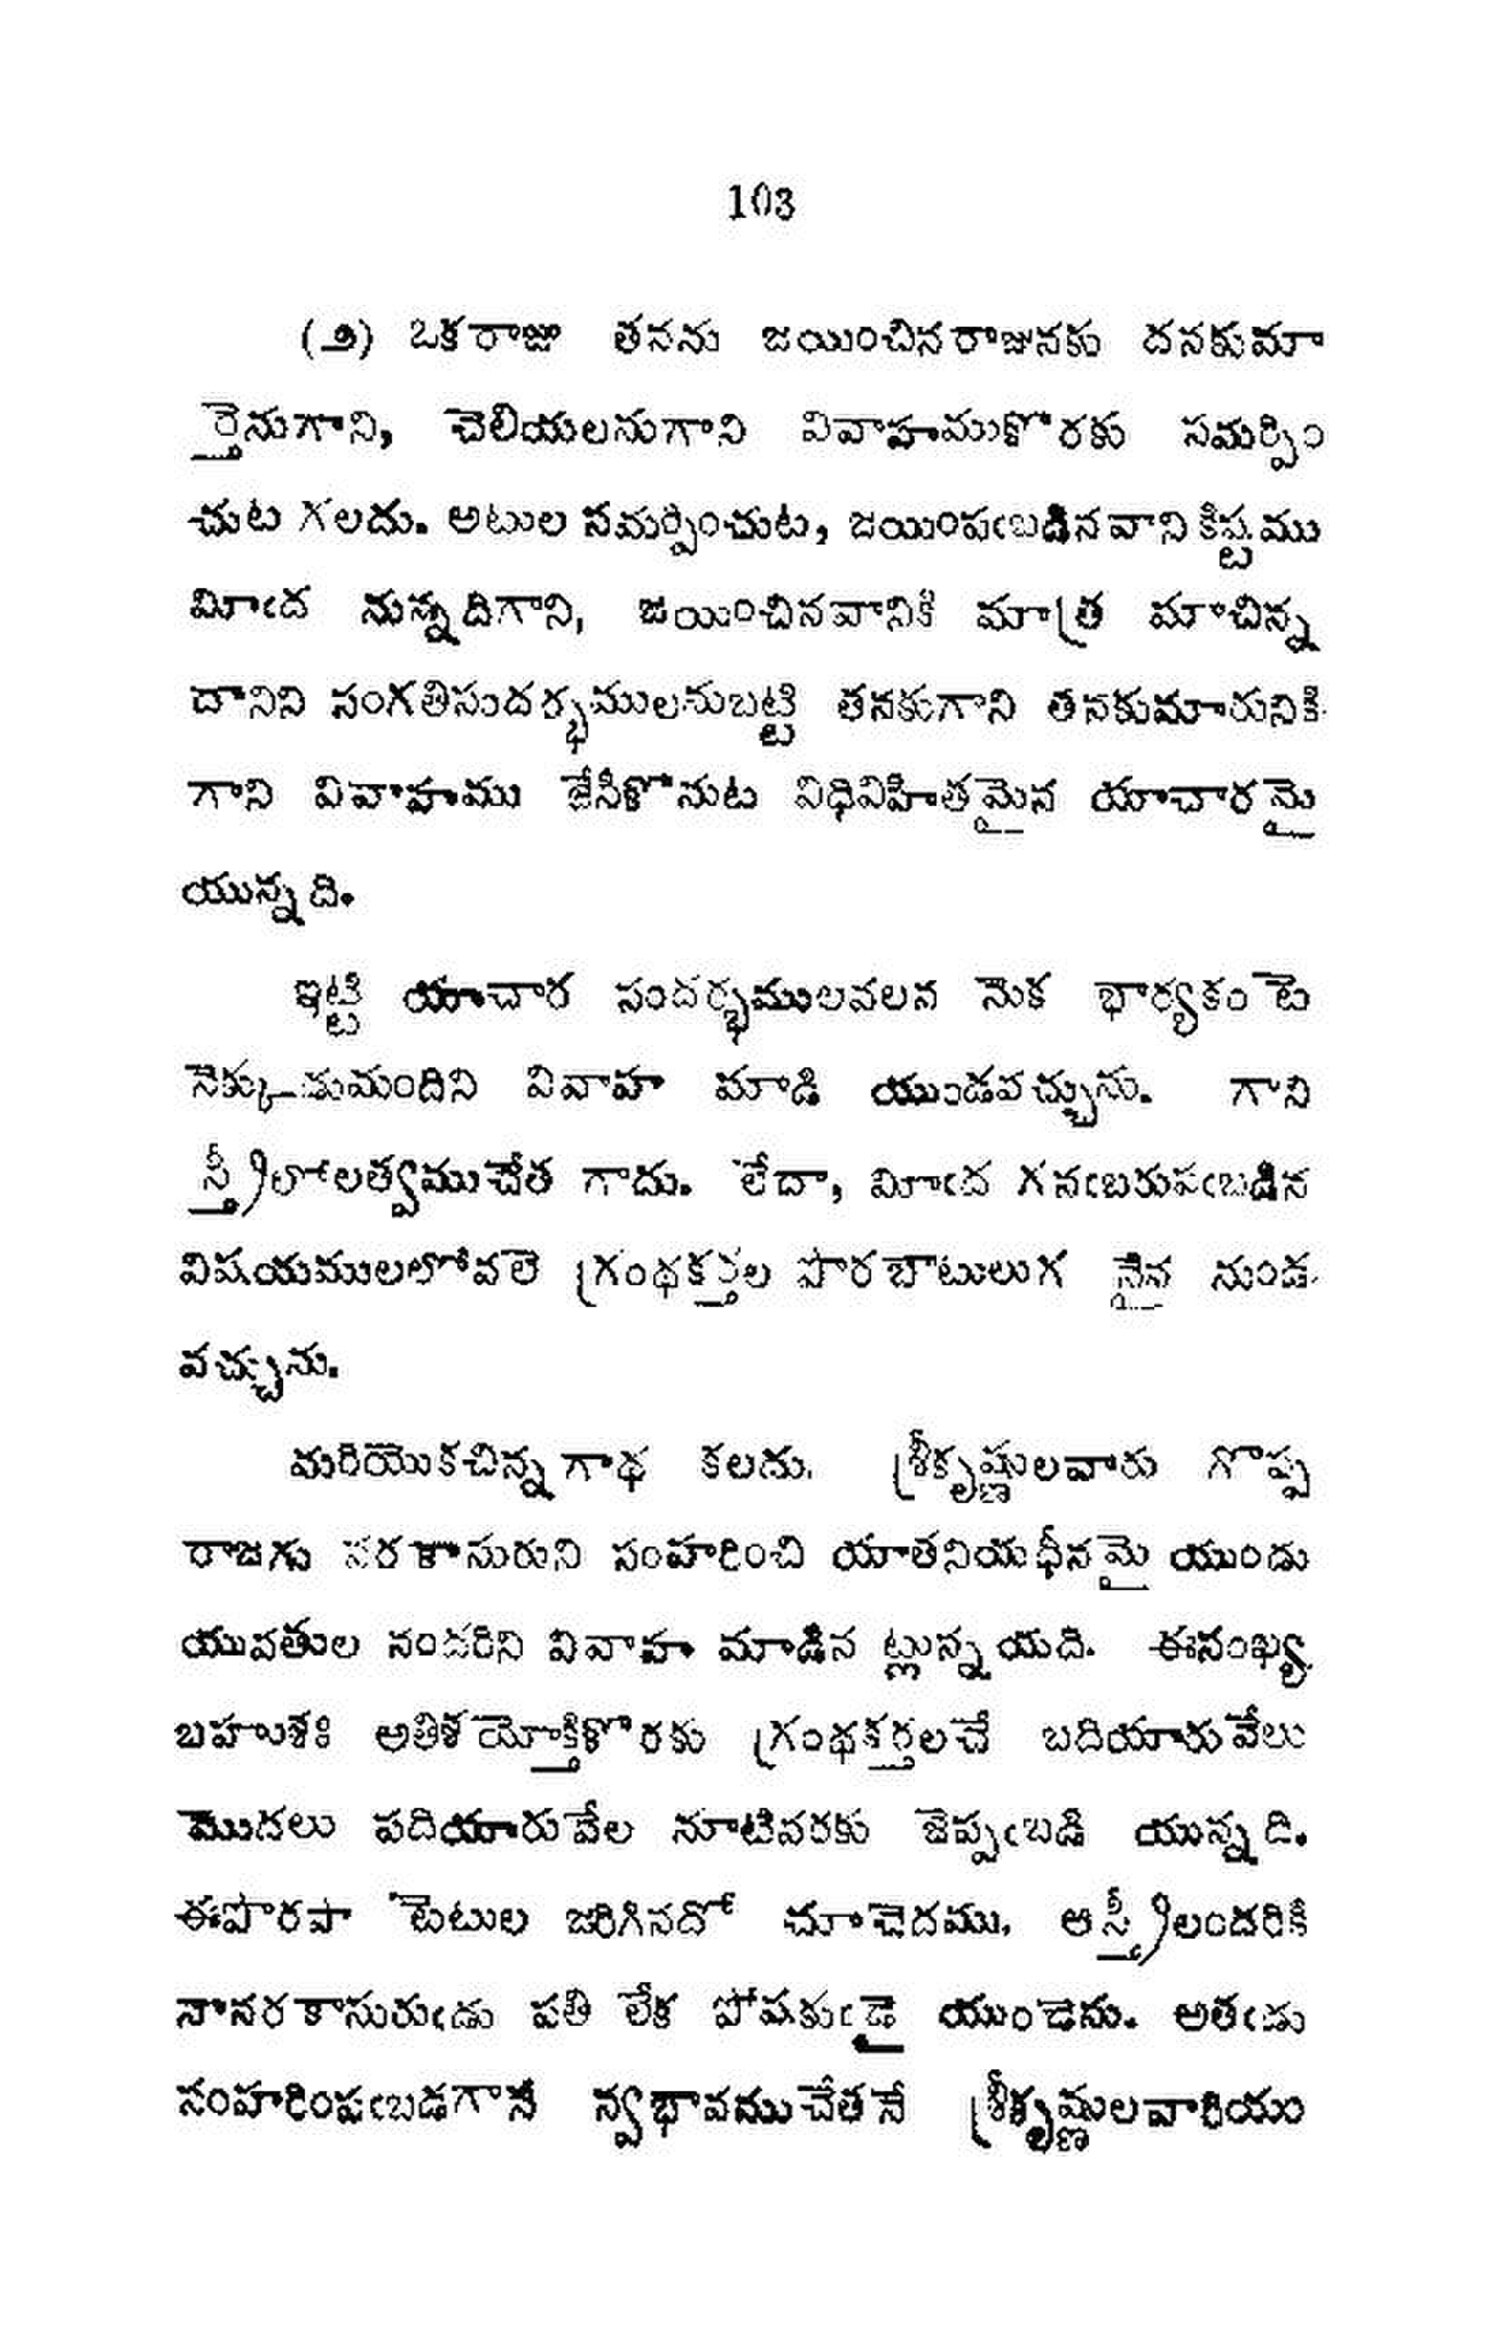(2) ఒకరాజు తనను జయించినరాజునకు దనకుమార్తెనుగాని, చెలియలనుగాని వివాహముకొరకు సమర్పించుట గలదు. అటుల సమర్పించుట, జయింపఁబడినవాని కిష్టముమీఁద నున్నదిగాని, జయించినవానికి మాత్ర మాచిన్నదానిని సంగతిసందర్భములనుబట్టి తనకుగాని తనకుమారునికి
గాని వివాహము జేసికొనుట విధివిహితమైన యాచారమై యున్నది.

ఇట్టి యాచార సందర్భములవలన నొక భార్యకంటె నెక్కుడుమందిని వివాహ మాడి యుండవచ్చును. 
గాని స్త్రీలోలత్వముచేత గాదు. లేదా, మీఁద గనఁబరుపఁబడిన విషయములలోవలె గ్రంథకర్తల పొరబాటులుగ నైన నుండవచ్చును.

మరియొకచిన్నగాథ కలదు. శ్రీకృష్ణులవారు గొప్ప రాజగు నరకాసురుని సంహరించి యాతనియధీనమై యుండు యువతుల నందరిని వివాహ మాడిన ట్లున్నయది. ఈసంఖ్య బహుశః అతిశయోక్తికొరకు గ్రంథకర్తలచే బదియారువేలు మొదలు పదియారువేల నూటివరకు జెప్పఁబడి యున్నది. ఈపొరపా టెటుల జరిగినదో చూచెదము. ఆస్త్రీలందరికి నానరకాసురుఁడు పతి లేక పోషకుఁడై యుండెను. అతఁడు సంహరింపఁబడగానే స్వభావముచేతనే శ్రీకృష్ణులవారియం